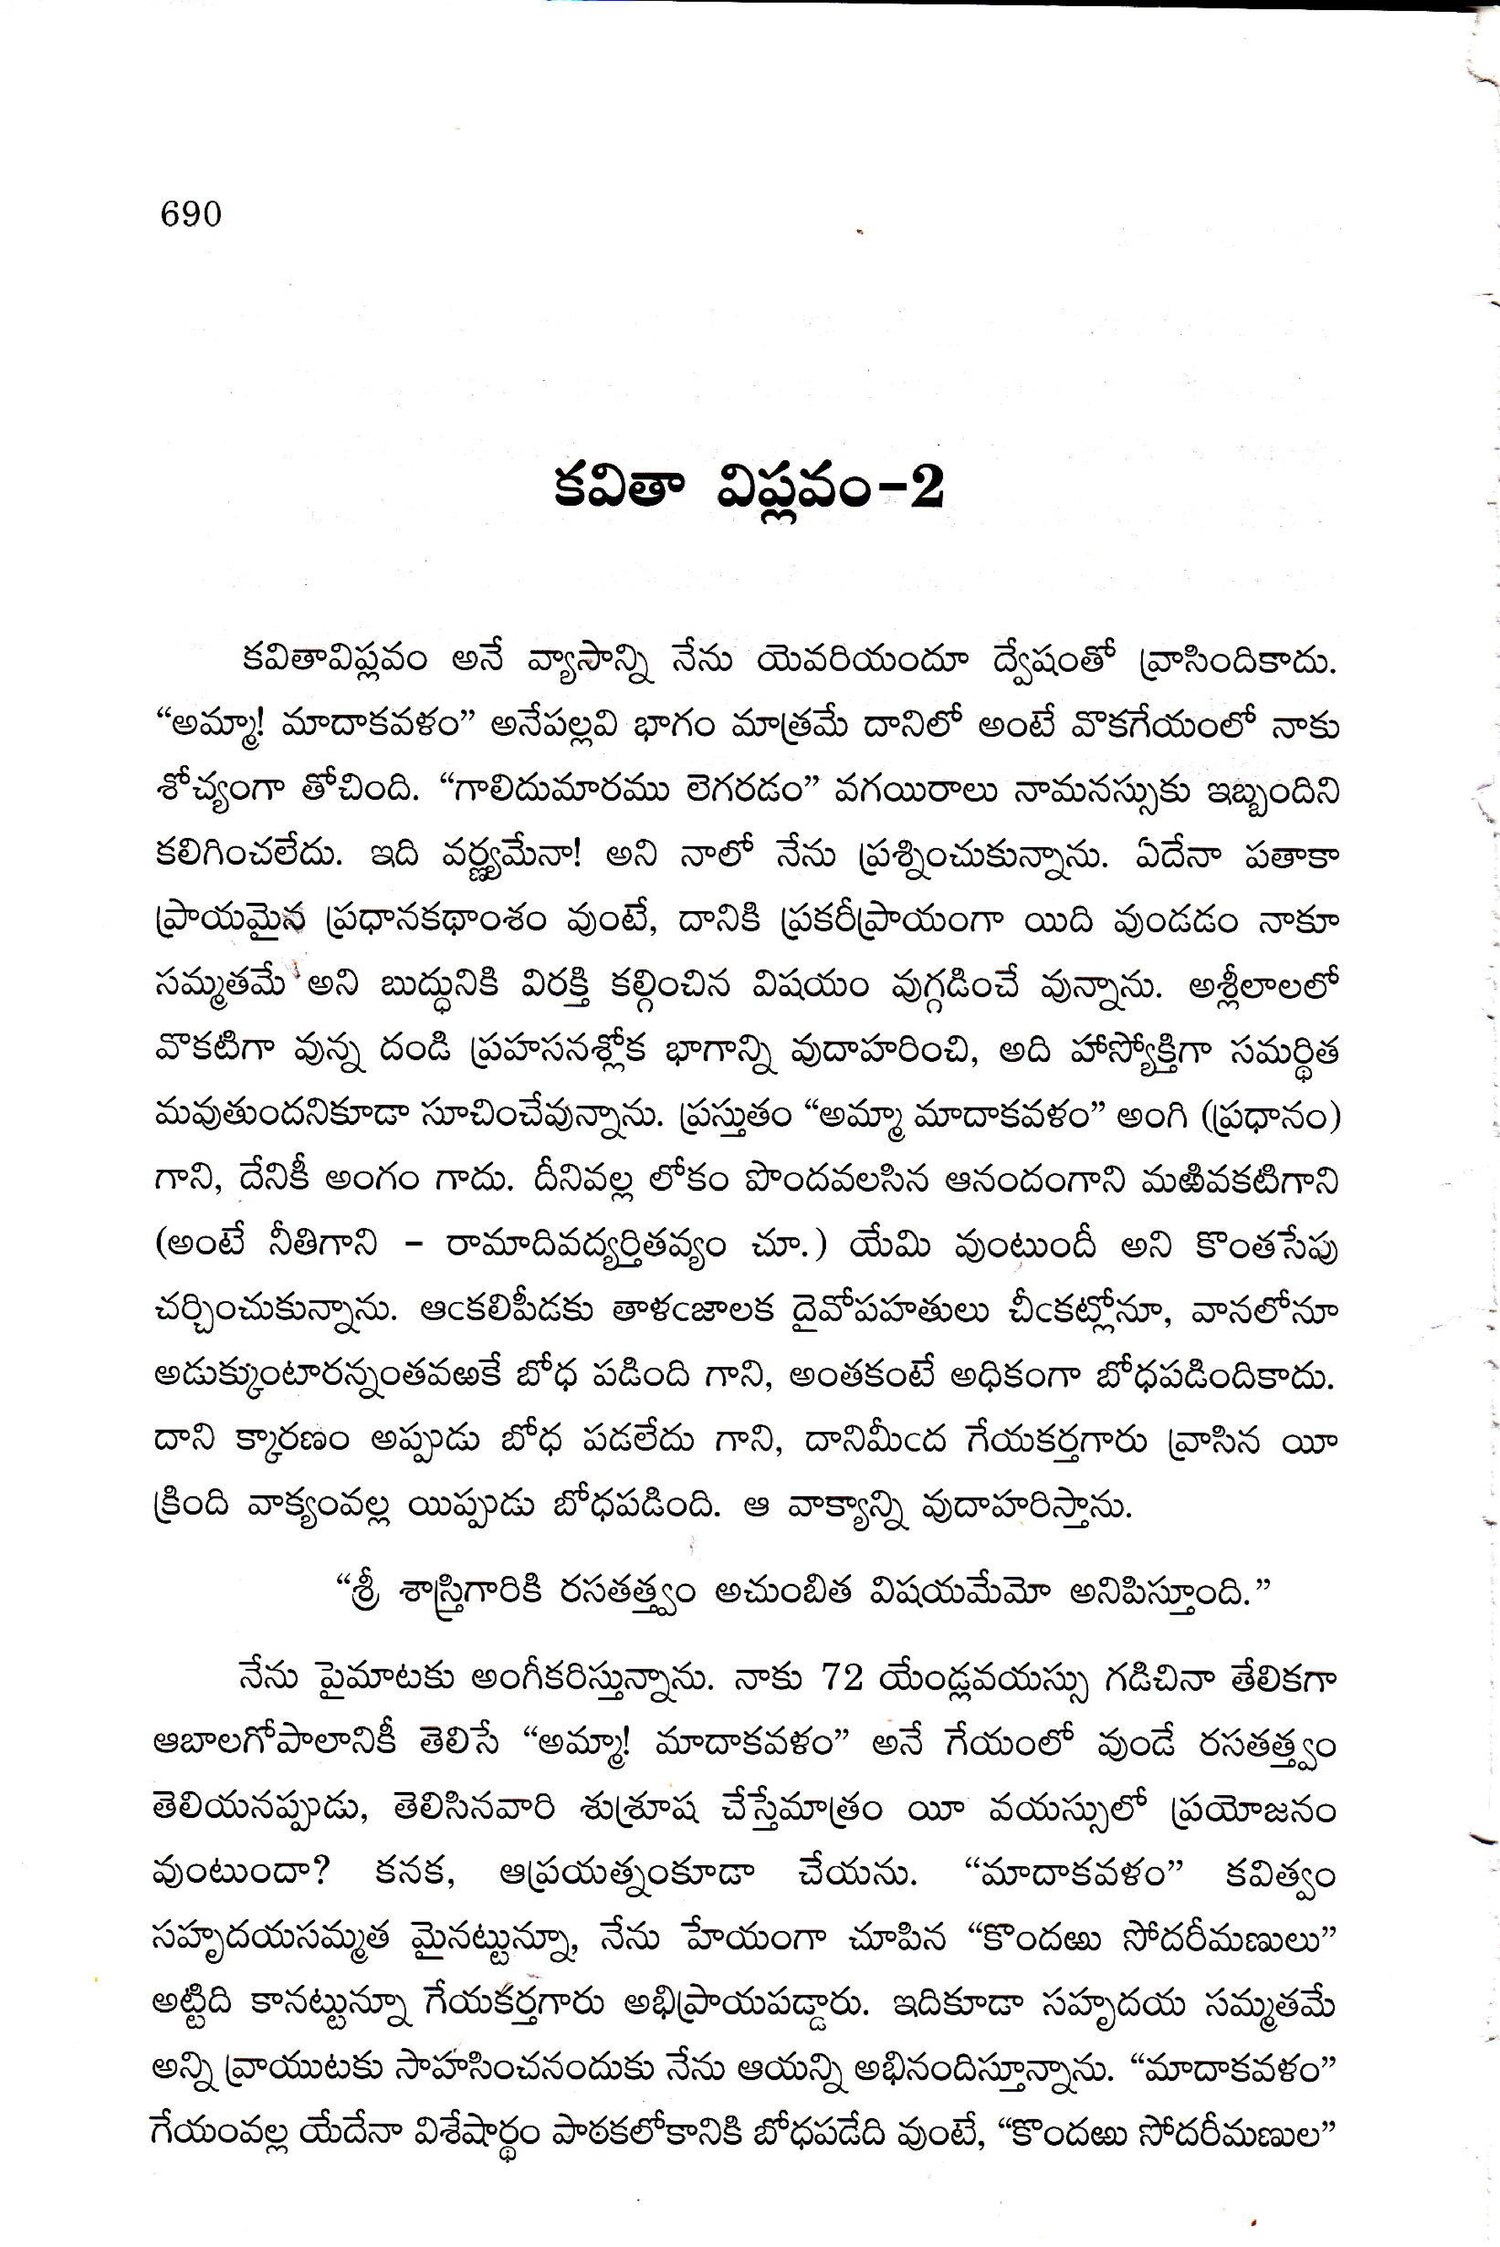కవితా విప్లవం - 2

కవితావిప్లవం అనే వ్యాసాన్ని నేను యెవరియందూ ద్వేషంతో వ్రాసిందికాదు. "అమ్మా! మాదాకవళం" అనేపల్లవి భాగం మాత్రమే దానిలో అంటే వొకగేయంలో నాకు శోచ్యంగా తోచింది. "గాలిదుమారము లెగరడం” వగయిరాలు నామనస్సుకు ఇబ్బందిని కలిగించలేదు. ఇది వర్ణ్యమేనా! అని నాలో నేను ప్రశ్నించుకున్నాను. ఏదేనా పతాకా ప్రాయమైన ప్రధానకథాంశం వుంటే, దానికి ప్రకరీప్రాయంగా యిది వుండడం నాకూ సమ్మతమే అని బుద్దునికి విరక్తి కల్గించిన విషయం వుగ్గడించే వున్నాను. అశ్లీలాలలో వొకటిగా వున్న దండి ప్రహసనశ్లోక భాగాన్ని వుదాహరించి, అది హాస్యోక్తిగా సమర్ధిత మవుతుందనికూడా సూచించేవున్నాను. ప్రస్తుతం "అమ్మా మాదాకవళం" అంగి (ప్రధానం) గాని, దేనికీ అంగం గాదు. దీనివల్ల లోకం పొందవలసిన ఆనందంగాని మఱివకటిగాని (అంటే నీతిగాని - రామాదివద్యర్తితవ్యం చూ.) యేమి వుంటుందీ అని కొంతసేపు చర్చించుకున్నాను. ఆఁకలిపీడకు తాళఁజాలక దైవోపహతులు చీఁకట్లోనూ, వానలోనూ అడుక్కుంటారన్నంతవఱకే బోధ పడింది గాని, అంతకంటే అధికంగా బోధపడిందికాదు. దాని క్కారణం అప్పుడు బోధ పడలేదు గాని, దానిమీఁద గేయకర్తగారు వ్రాసిన యీ క్రింది వాక్యంవల్ల యిప్పుడు బోధపడింది. ఆ వాక్యాన్ని వుదాహరిస్తాను.

"శ్రీ శాస్త్రిగారికి రసతత్త్వం అచుంబిత విషయమేమో అనిపిస్తూంది."

నేను పైమాటకు అంగీకరిస్తున్నాను. నాకు 72 యేండ్లవయస్సు గడిచినా తేలికగా ఆబాలగోపాలానికీ తెలిసే "అమ్మా! మాదాకవళం" అనే గేయంలో వుండే రసతత్త్వం తెలియనప్పుడు, తెలిసినవారి శుశ్రూష చేస్తే మాత్రం యీ వయస్సులో ప్రయోజనం వుంటుందా? కనక, ఆప్రయత్నంకూడా చేయను. “మాదాకవళం" కవిత్వం సహృదయసమ్మత మైనట్టున్నూ, నేను హేయంగా చూపిన “కొందఱు సోదరీమణులు” అట్టిది కానట్టున్నూ గేయకర్తగారు అభిప్రాయపడ్డారు. ఇదికూడా సహృదయ సమ్మతమే అన్ని వ్రాయుటకు సాహసించనందుకు నేను ఆయన్ని అభినందిస్తూన్నాను. “మాదాకవళం" గేయంవల్ల యేదేనా విశేషార్థం పాఠకలోకానికి బోధపడేది వుంటే, “కొందఱు సోదరీమణుల”